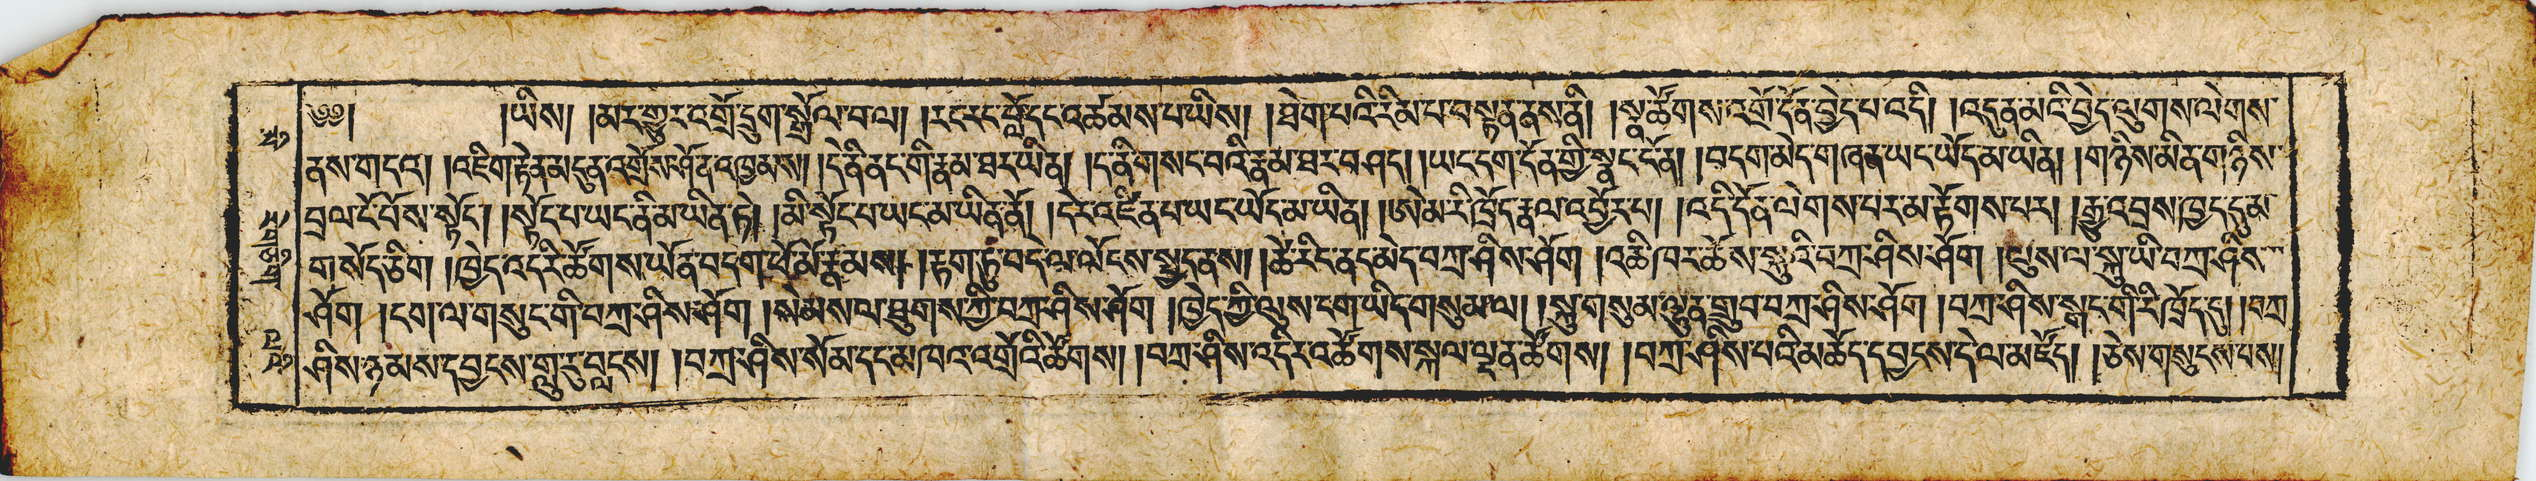ཡིས། །མར་གྱུར་འགྲོ་དྲུག་སྒྲོལ་བ་ལ། །རང་རང་བློ་དང་འཚམས་པ་ཡིས། །ཐེག་པའི་རིམ་པ་བསྟན་ནས་ནི། །སྣ་ཚོགས་འགྲོ་དོན་བྱེད་པ་འདི། །འདུན་མའི་བྱེད་ལུགས་ལེགས་
ནས་གདའ། །འཇིག་རྟེན་མདུན་འགྲོས་ཤོ ན་འཁྱམས། །དེ་ནི་ནང་གི་རྣམ་ཐར་ཡིན། །ད་ནིགསང་བའི་རྣམ་ཐར་བཤད། །ཡང་དག་དོན་གྱི་སྣང་ངོ་ན། །བདག་མེད་གཞན་ཡང་ཡོད་མ་ཡིན། །གཉིས་མིན་གཉིས་
བྲལ་ངོ་བོས་སྟོང་། །སྟོང་པ་ཡང་ནི་མ་ཡིན་ཏེ། །མི་སྟོང་པ་ཡང་མ་ཡིན་ནོ། །དེར་འཛིན་པ་ཡང་ཡོད་མ་ཡིན། །ཨེ་མ་རི་ཁྲོད་རྣལ་འབྱོར་པ། །འདི་དོན་ལེགས་པར་མ་རྟོགས་པར། །རྒྱུ་འབྲས་ཁྱད་དུ་མ་
གསོད་ཅིག །ཁྱེད་འདིར་ཚོགས་ཡོན་བདག་ཕོ་མོ་རྣམས། །རྟག་ཏུ་བདེ་ལ་ལོངས་སྤྱད་ནས། །ཚེ་རིང་ནད་མེད་བཀྲ་ཤིས་ཤོག །འཆི་ཁར་ཆོས་སྐུའི་བཀྲ་ཤིས་ཤོག །ལུས་ལ་སྐུ་ཡི་བཀྲ་ཤིས་
ཤོག །ངག་ལ་གསུང་གི་བཀྲ་ཤིས་ཤོག །སེམས་ལ་ཐུགས་ཀྱི་བཀྲ་ཤིས་ཤོག །ཁྱེད་ཀྱི་ལུས་ངག་ཡིད་གསུམ་ལ། །སྐུ་གསུམ་ལྷུན་གྲུབ་བཀྲ་ཤིས་ཤོག །བཀྲ་ཤིས་སྒང་གི་རི་ཁྲོད་དུ། །བཀྲ་
ཤིས་ཉམས་དབྱངས་གླུ་རུ་བླངས། །བཀྲ་ཤིས་སོམ་དང་མཁའ་འགྲོའི་ཚོགས། །བཀྲ་ཤིས་འདིར་འཚོགས་སྐལ་ལྡན་ཚོགས། །བཀྲ་ཤིས་པའི་མཆོད་དབྱངས་དེ་ལ་མཛོད། །ཅེས་གསུངས་པས།